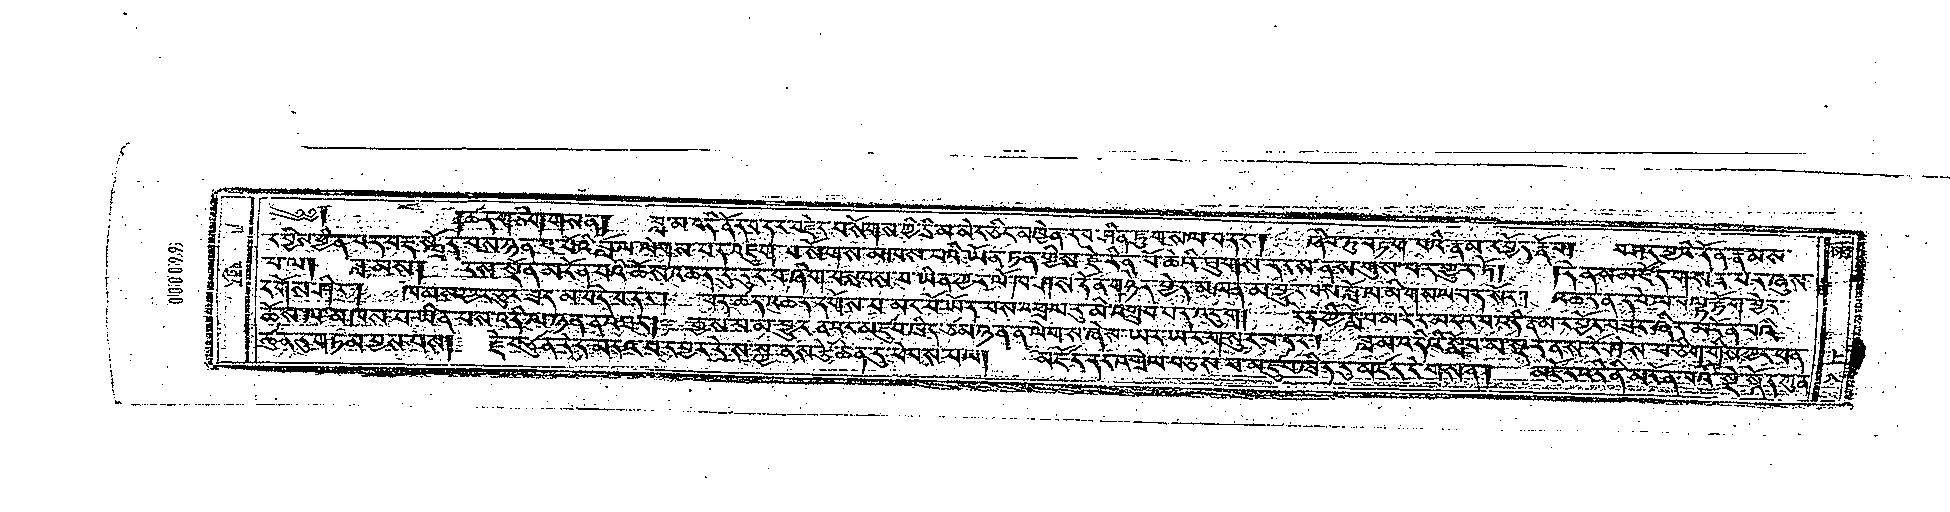༄༅། །ཚར་གཅིག་གསན། བླ་མ་འདི་ནོར་བ་དང་བརྗེད་བ་སོགས་ཀྱི་དྲི་མ་མེད་ཅིང་མཁྱེན་རབ་ཤིན་ཏུ་གསལ་བ་དང་། ཞིབ་ཏུ་བརྟག་བའི་རྣམ་དཔྱོད་རྣོ་བ། བཤད་བྱའི་དོན་རྣམས་
དཔྱིས་ཕྱིན་པར་བརྡ་སྤྲོད་པས་ཉན་པ་པོའི་བློ་ལ་ལེགས་པར་འཇུག་པ་སོགས་མཁས་པའི་ཡོན་ཏན་གྱིས་རྗེ་རིན་པོ་ཆེའི་ཐུགས་རངས་ནས་གུས་པར་གྱུར་ཏོ། །དེ་ནས་མཛོད་གསན་པར་ཞུས་
པ་ལ། བླ་མས། ངས་སྔོན་མངོན་བའི་ཆོས་འཆད་དུ་དུང་བ་ཞིག་བསླབ་པ་ཡིན་ཀྱང་ལོ་ཁ་ཤས་དོན་གཉེར་བྱེད་མཁན་མ་བྱུང་བས་བློ་ལ་མི་གསལ་བར་སོང་། འཆད་ན་བདེ་ལ་བལྟ་རྟོག་བྱེད་
དགོས་ཤིང་། ཁམས་ཀྱང་ཅུང་ཟད་མ་བདེ་བ་དང་། ཕར་ཚད་འཆད་དགོས་པ་མང་པོ་ཡོད་པས་འཕྲལ་དུ་མི་འགྲུབ་བར་འདུག། དེད་ཀྱི་སློབ་མ་རེར་མངའ་བ་འདི་རྣམ་དཔྱོད་བཟང་ཞིང་མངོན་པའི་
ཆོས་ལ་མཁས་པ་ཡིན་པས་འདི་ལ་ཉན་ན་འཐང་། རྒྱས་པ་མ་བྱུང་ནའང་མཛུབ་ཁྲིད་ཙམ་ཉན་ན་ལེགས་ཞེས་ཡང་ཡང་གསུང་བ་དང་། བླ་མ་འདིའི་སློབ་མ་སྡར་ནས་ངོ་ཤེས་པ་ཅིག་གིས་ཀྱང་ཕན་
ཚུན་དུ་གཏམ་བྱས་པས། རྗེ་བཙུན་རེད་མདའ་པ་དབྱར་དེ་ས་སྐྱ་ནས་རྩེ་ཆེན་དུ་ཕེབས་པ་ལ། མཛོད་རང་འགྲེལ་བཅས་པ་མཛུབ་ཁྲིད་དུ་མཛད་དེ་གསན། མཛོད་འདི་ནི་མངོན་པའི་སྡེ་སྣོད་ཀུན་